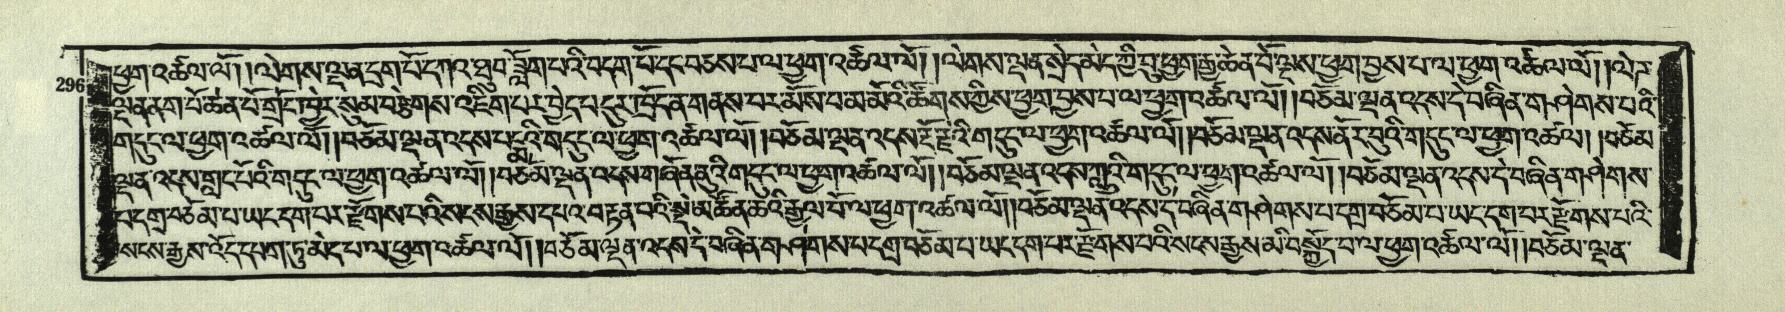ཕྱག་འཚལ་ལོ། །ལེགས་ལྡན་དྲག་པོ་དཀའ་ཐུབ་ཟློག་པའི་བདག་པོ་དང་བཅས་པ་ལ་ཕྱག་འཚལ་ལོ། །ལེགས་ལྡན་སྲེད་མེད་ཀྱི་བུ་ཕྱག་རྒྱ་ཆེན་པོ་ལྔས་ཕྱག་བྱས་པ་ལ་ཕྱག་འཚལ་ལོ། །ལེཌ་
ལྡན་ནག་པོ་ཆེན་པོ་གྲོང་ཁྱེར་སུམ་བརྩེགས་འཇིག་པར་བྱེད་པ་དུར་ཁྲོད་ན་གནས་བར་མོས་པ་མ་མོའི་ཚོགས་ཀྱིས་ཕྱག་བྱས་པ་ལ་ཕྱག་འཚལ་ལོ། །བཅོམ་ལྡན་འདས་དེ་བཞིན་གཤེགས་པའི་
གདུང་ལ་ཕྱག་འཚལ་ལོ། །བཅོམ་ལྡན་འདས་པདམའི་གདུང་ལ་ཕྱག་འཚལ་ལོ། །བཅོམ་ལྡན་འདས་རྡོ་རྗེའི་གདུང་ལ་ཕྱག་འཚལ་ལོ། །བཅོམ་ལྡན་འདས་ནོར་བུའི་གདུང་ལ་ཕྱག་འཚལ། །བཅོམ་
ལྡན་འདས་གླང་པོའི་གདུང་ལ་ཕྱག་འཚལ་ལོ། །བཅོམ་ལྡན་འདས་གཞོན་ནུའི་གདུང་ལ་ཕྱག་འཚལ་ལོ། །བཅོམ་ལྡན་འདས་ཀླུའི་གདུང་ལ་ཕྱག་འཚལ་ལོ། །བཅོམ་ལྡན་འདས་དེ་བཞིན་གཤེགས་
པ་དགྲ་བཅོམ་པ་ཡང་དག་པར་རྫོགས་པའི་སངས་རྒྱས་དཔའ་བརྟན་པའི་སྡེ་མཚོན་ཆའི་རྒྱལ་པོ་ལ་ཕྱག་འཚལ་ལོ། །བཅོམ་ལྡན་འདས་དེ་བཞིན་གཤེགས་པ་དགྲ་བཅོམ་པ་ཡང་དག་པར་རྫོགས་པའི་
སངས་རྒྱས་འོད་དཔག་ཏུ་མེད་པ་ལ་ཕྱག་འཚལ་ལོ། །བཅོམ་ལྡན་འདས་དེ་བཞིན་གཤེགས་པ་དགྲ་བཅོམ་པ་ཡང་དག་པར་རྫོགས་པའི་སངས་རྒྱས་མི་བསྐྱོད་པ་ལ་ཕྱག་འཚལ་ལོ། །བཅོམ་ལྡན་